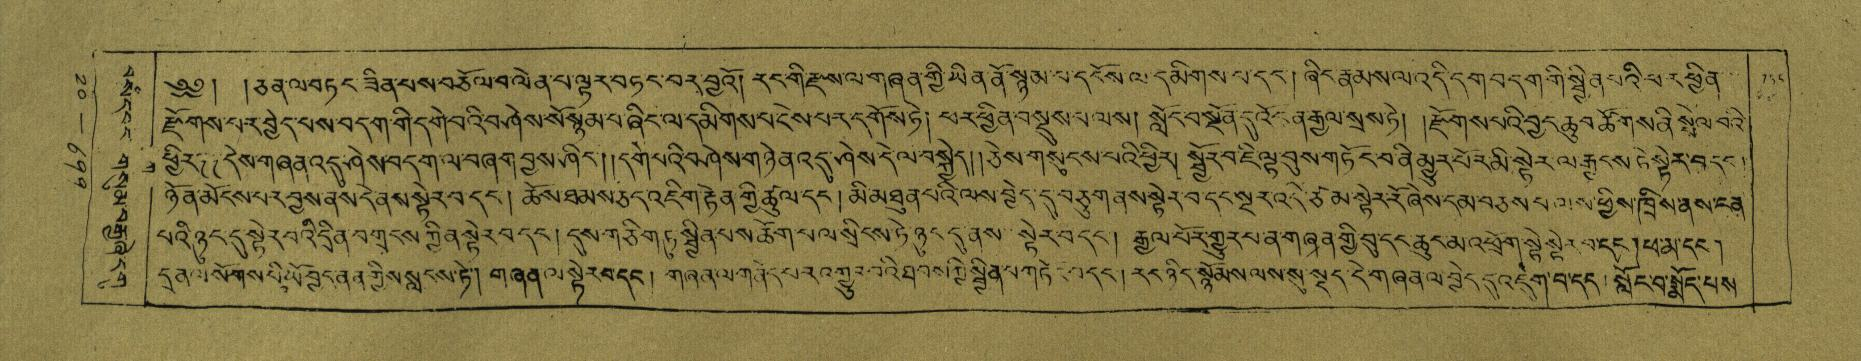༄༅། །ཅན་ལ་བཏང་ཟིན་པས་བཅོལ་བ་ལེན་པ་ལྟར་བཏང་བར་བྱའོ། རང་གི་རྫས་ལ་གཞན་གྱི་ཡིན་ནོ་སྙམ་པ་དངོས་ལ་དམིགས་པ་དང་། ཞིང་རྣམས་ལ་འདི་དག་བདག་གི་སྦྱིན་པའི་ཕར་ཕྱིན་
རྫོགས་པར་བྱེད་པས་བདག་གི་དགེ་བའི་བཤེས་སོ་སྙམ་པ་ཞིང་ལ་དམིགས་པ་ངེས་པར་དགོས་ཏེ། ཕར་ཕྱིན་བསྡུས་པ་ལས། སློང་བ་སྔོན་དུ་འོང་ན་རྒྱལ་སྲས་ཏེ། །རྫོགས་པའི་བྱང་ཆུབ་ཚོགས་ནི་སྤེལ་བའི་
ཕྱིར༑ ༑དེས་གཞན་འདུ་ཤེས་བདག་ལ་བཞག་བྱས་ཤིང་། །དགེ་པའི་བཤེས་གཉེན་འདུ་ཤེས་དེ་ལ་བསྐྱེད། །ཅེས་གསུངས་པའི་ཕྱིར། སྦྱོར་བ་ཇི་ལྟ་བུས་གཏོང་བ་ནི་མྱུར་པོར་མི་སྟེར་ལ་རྒྱངས་ཏེ་སྟེར་བ་དང་།
ཉོན་མོངས་པར་བྱས་ནས་དེ་ནས་སྟེར་བ་དང་། ཆོས་ཐམས་ཅད་འཇིག་རྟེན་གྱི་ཚུལ་དང་། མི་མཐུན་པའི་ལས་བྱེད་དུ་བཅུག་ནས་སྟེར་བ་དང་སྔར་འདི་ཙམ་སྟེར་རོ་ཞེས་དམ་བཅས་པ་ལས་ཕྱིས་ཁྲིས་ནས་ངན་
པའཾ་ཉུང་དུ་སྟེར་བའཾ་དྲིན་བགྲངས་ཀྱིན་སྟེར་བ་དང་། དུས་གཅིག་ཏུ་སྦྱིན་པས་ཆོག་པ་ལ་སྲིངས་ཏེ་ཉུང་དུ་ནས་སྟེར་བ་དང་། རྒྱལ་པོར་གྱུར་པ་ན་གཞན་གྱི་བུ་དང་ཆུང་མ་འཕྲོག་སྟེ་སྟེར་བ་དང་། ཕ་མ་དང་།
དྲན་ལ་སོགས་པའི་ཡོ་བྱད་ནན་གྱིས་སླངས་ཏེ་གཞན་ལ་སྟེར་བ་དང་། གཞན་ལ་གནོད་པར་འགྱུར་བའི་ཐབས་ཀྱི་སྦྱིན་པ་གཏོང་བ་དང་། རང་ཉིད་སྙོམས་ལས་སུ་སྡད་དེ་གཞན་ལ་བྱེད་དུ་འཇུག་པ་དང་། སློང་བ་སྨོད་པས་